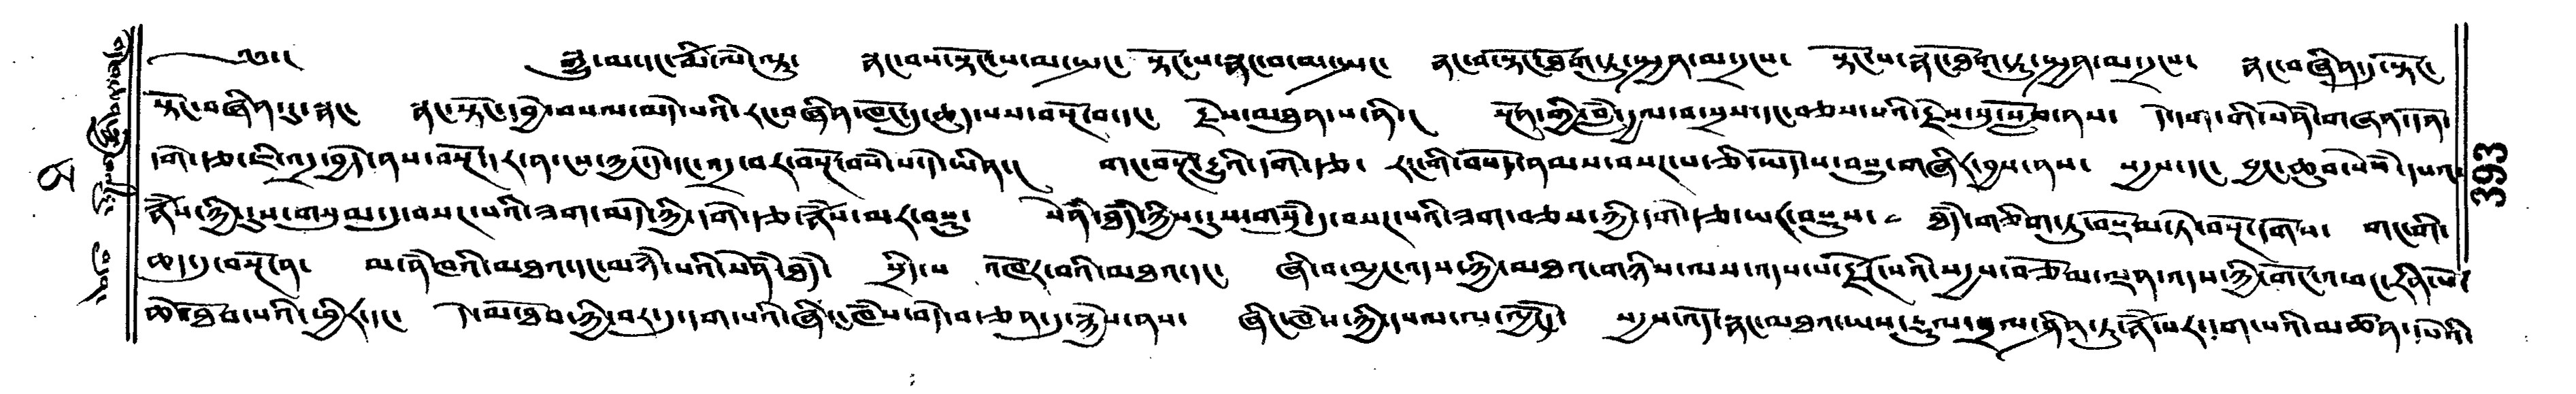སྒྱུ་མ་དང་རྨི་ལམ་ལྟ་བུ། སྣང་བས་སྟོང་པ་མ་སྤང་། སྟོང་པ་སྣང་བ་མ་སྤང་། སྣང་བ་སྟོང་ཐོག་ཏུ་སྤྱན་མ་དྲངས། སྟོང་པ་སྣང་ཐོག་ཏུ་སྤྱན་མ་དྲངས། སྣང་བཞིན་དུ་སྟོང་། 
སྟོང་བཞིན་དུ་སྣང་། སྣང་སྟོང་དབྱེ་བསལ་མེད་པའི་རང་བཞིན་ཁོང་དུ་ཆུད་པས་བསྔོ་བ་དང་ རྗེས་མཐུན་པ་ནི། སྔོན་གྱི་བླ་མ་རྒྱལ་བ་སྲས་དང་བཅས་པའི་རྗེས་སུ་སློབ་ནས། དེ་དག་གིས་སེམས་ཅན་གཞན་དོན་
དགེ་རྩ་ཇི་འདྲ་བྱས་ནས་བསྔོ་དར་ན་ངས་ཀྱང་དེ་དང་འདྲ་བར་བསྔོ་བསམ་པ་དེ་ཡིན། གང་བསྔོ་རྒྱུའི་དགེ་རྩ་ རང་གི་བསོད་ནམས་བསགས་པ་ཅི་ཡོད་པ་བསྡུ་གཞིར་བྱས་ནས་ སངས་རྒྱས་དང་ བྱང་ཆུབ་སེམས་དཔའ་
རྣམས་ཀྱིས་དུས་གསུམ་དུ་བསགས་པའི་ཟག་མེད་ཀྱི་དགེ་རྩ་རྣམས་མར་བསྡུ། སེམས་ཅན་ཐམས་ཅད་ཀྱིས་དུས་གསུམ་དུ་བསགས་པའི་ཟག་བཅས་ཀྱི་དགེ་རྩ་ཡར་བསྡུ། ཐམས་ཅད་གཅིག་ཏུ་བསྡོམས་ཏེ་བསྔོ་དགོས། གང་གི་
ཚད་དུ་བསྔོ་ན་ མ་ནམ་མཁའི་མཐའ་དང་མཉམ་པའི་སེམས་ཅན་ཐམས་ཅད་ སྲིད་པ་ འཁོར་བའི་མཐའ་དང་ ཞི་བ་མྱང་འདས་ཀྱི་མཐའ་གཉིས་ལས་འདས་པ་རྫོགས་པའི་སངས་རྒྱས་བཅོམ་ལྡན་འདས་ཀྱི་གོ་འཕང་རིན་པོ་
ཆེ་ཐོབ་པའི་ཕྱིར་དང་། དེ་མ་ཐོབ་ཀྱི་བར་དུ་དག་པའི་ཞིང་ཁམས་བདེ་བ་ཅན་དུ་སྐྱེས་ནས་ ཞིང་ཁམས་ཀྱི་དཔལ་ལ་ལོངས་སྤྱོད། སངས་རྒྱས་འོད་སྣང་མཐའ་ཡས་རྡུལ་བྲལ་ཤིན་ཏུ་རྣམ་པར་དག་པའི་མཚན་དཔེའི་